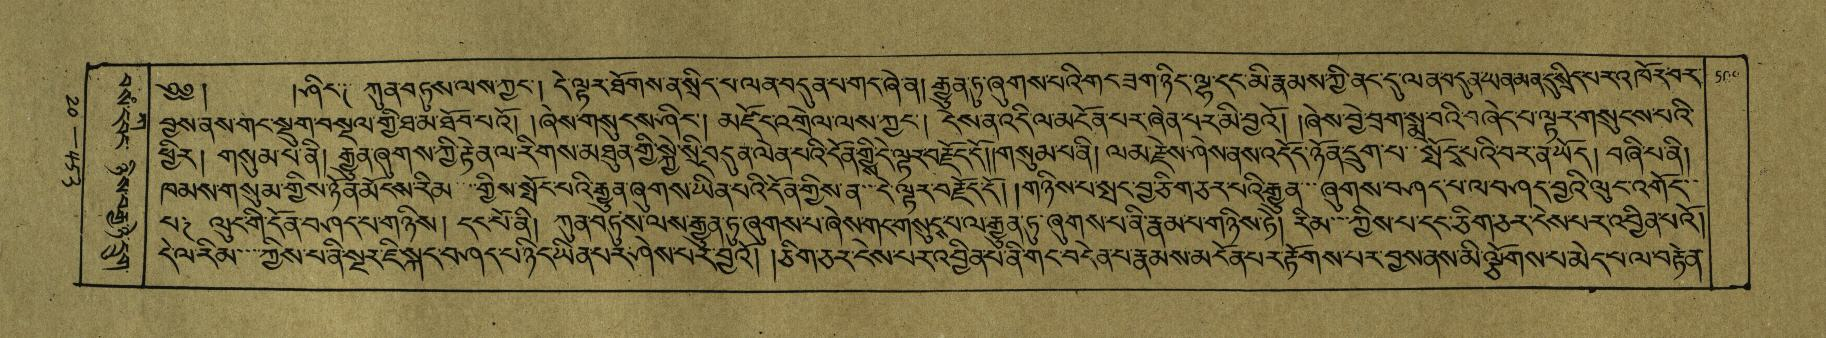༄༅། །ཤིང༑ ཀུན་བཏུས་ལས་ཀྱང་། དེ་ལྟར་ཐོགས་ན་སྲིད་པ་ལན་བདུན་པ་གང་ཞེ་ན། རྒྱུན་ཏུ་ཞུགས་པའི་གང་ཟག་ཉིད་ལྷ་དང་མི་རྣམས་ཀྱི་ནང་དུ་ལན་བདུན་ཡན་མན་དུ་སྲིད་པར་འཁོར་བར་
བྱས་ནས་གང་སྡུག་བསྔལ་གྱི་ཐ་མ་ཐོབ་པའོ། །ཞེས་གསུངས་ཤིང་། མཛོད་འགྲེལ་ལས་ཀྱང་། དེས་ན་འདི་ལ་མངོན་པར་ཞེན་པར་མི་བྱའོ། །ཞེས་བྱེ་བྲག་སྨྲ་བའི་བཞེད་པ་ལྟར་གསུངས་པའི་
ཕྱིར། གསུམ་པ་ནི། རྒྱུན་ཞུགས་ཀྱི་རྟེན་ལ་རིགས་མཐུན་གྱི་སྐྱེ་སྲིད་བདུན་ལེན་པའི་དོན་གྱིས་དེ་ལྟར་བརྗོད་དོ། །གསུམ་པ་ནི། ལམ་རྗེས་ཤེས་ནས་འདོད་ཉོན་དྲུག་པ་སྤོངས་པའི་བར་ན་ཡོད། བཞི་པ་ནི།
ཁམས་གསུམ་གྱིས་ཉོན་མོངས་རིམ་གྱིས་སྤོང་པའི་རྒྱུན་ཞུགས་ཡིན་པའི་དོན་གྱིས་ན་དེ་ལྟར་བརྗོད་དོ། །གཉིས་པ་སྤང་བྱ་ཅིག་ཅར་པའི་རྒྱུན་ཞུགས་བཤད་པ་ལ་བཤད་བྱའི་ལུང་འགོད་
པ༑ ལུང་གི་དོན་བཤད་པ་གཉིས། དང་པོ་ནི། ཀུན་བཏུས་ལས་རྒྱུན་ཏུ་ཞུགས་པ་ཞེས་གང་གསུངས་པ་ལ་རྒྱུན་ཏུ་ཞུགས་པ་ནི་རྣམ་པ་གཉིས་ཏེ། རིམ་ཀྱིས་པ་དང་ཅིག་ཅར་ངེས་པར་འབྱིན་པའོ།
དེ་ལ་རིམ་ཀྱིས་པ་ནི་སྔར་ཇི་སྐད་བཤད་པ་ཉིད་ཡིན་པར་ཤེས་པར་བྱའོ། །ཅིག་ཅར་ངེས་པར་འབྱིན་པ་ནི་གང་བདེན་པ་རྣམས་མངོན་པར་རྟོགས་པར་བྱས་ནས་མི་ལྕོགས་པ་མེད་པ་ལ་བརྟེན་